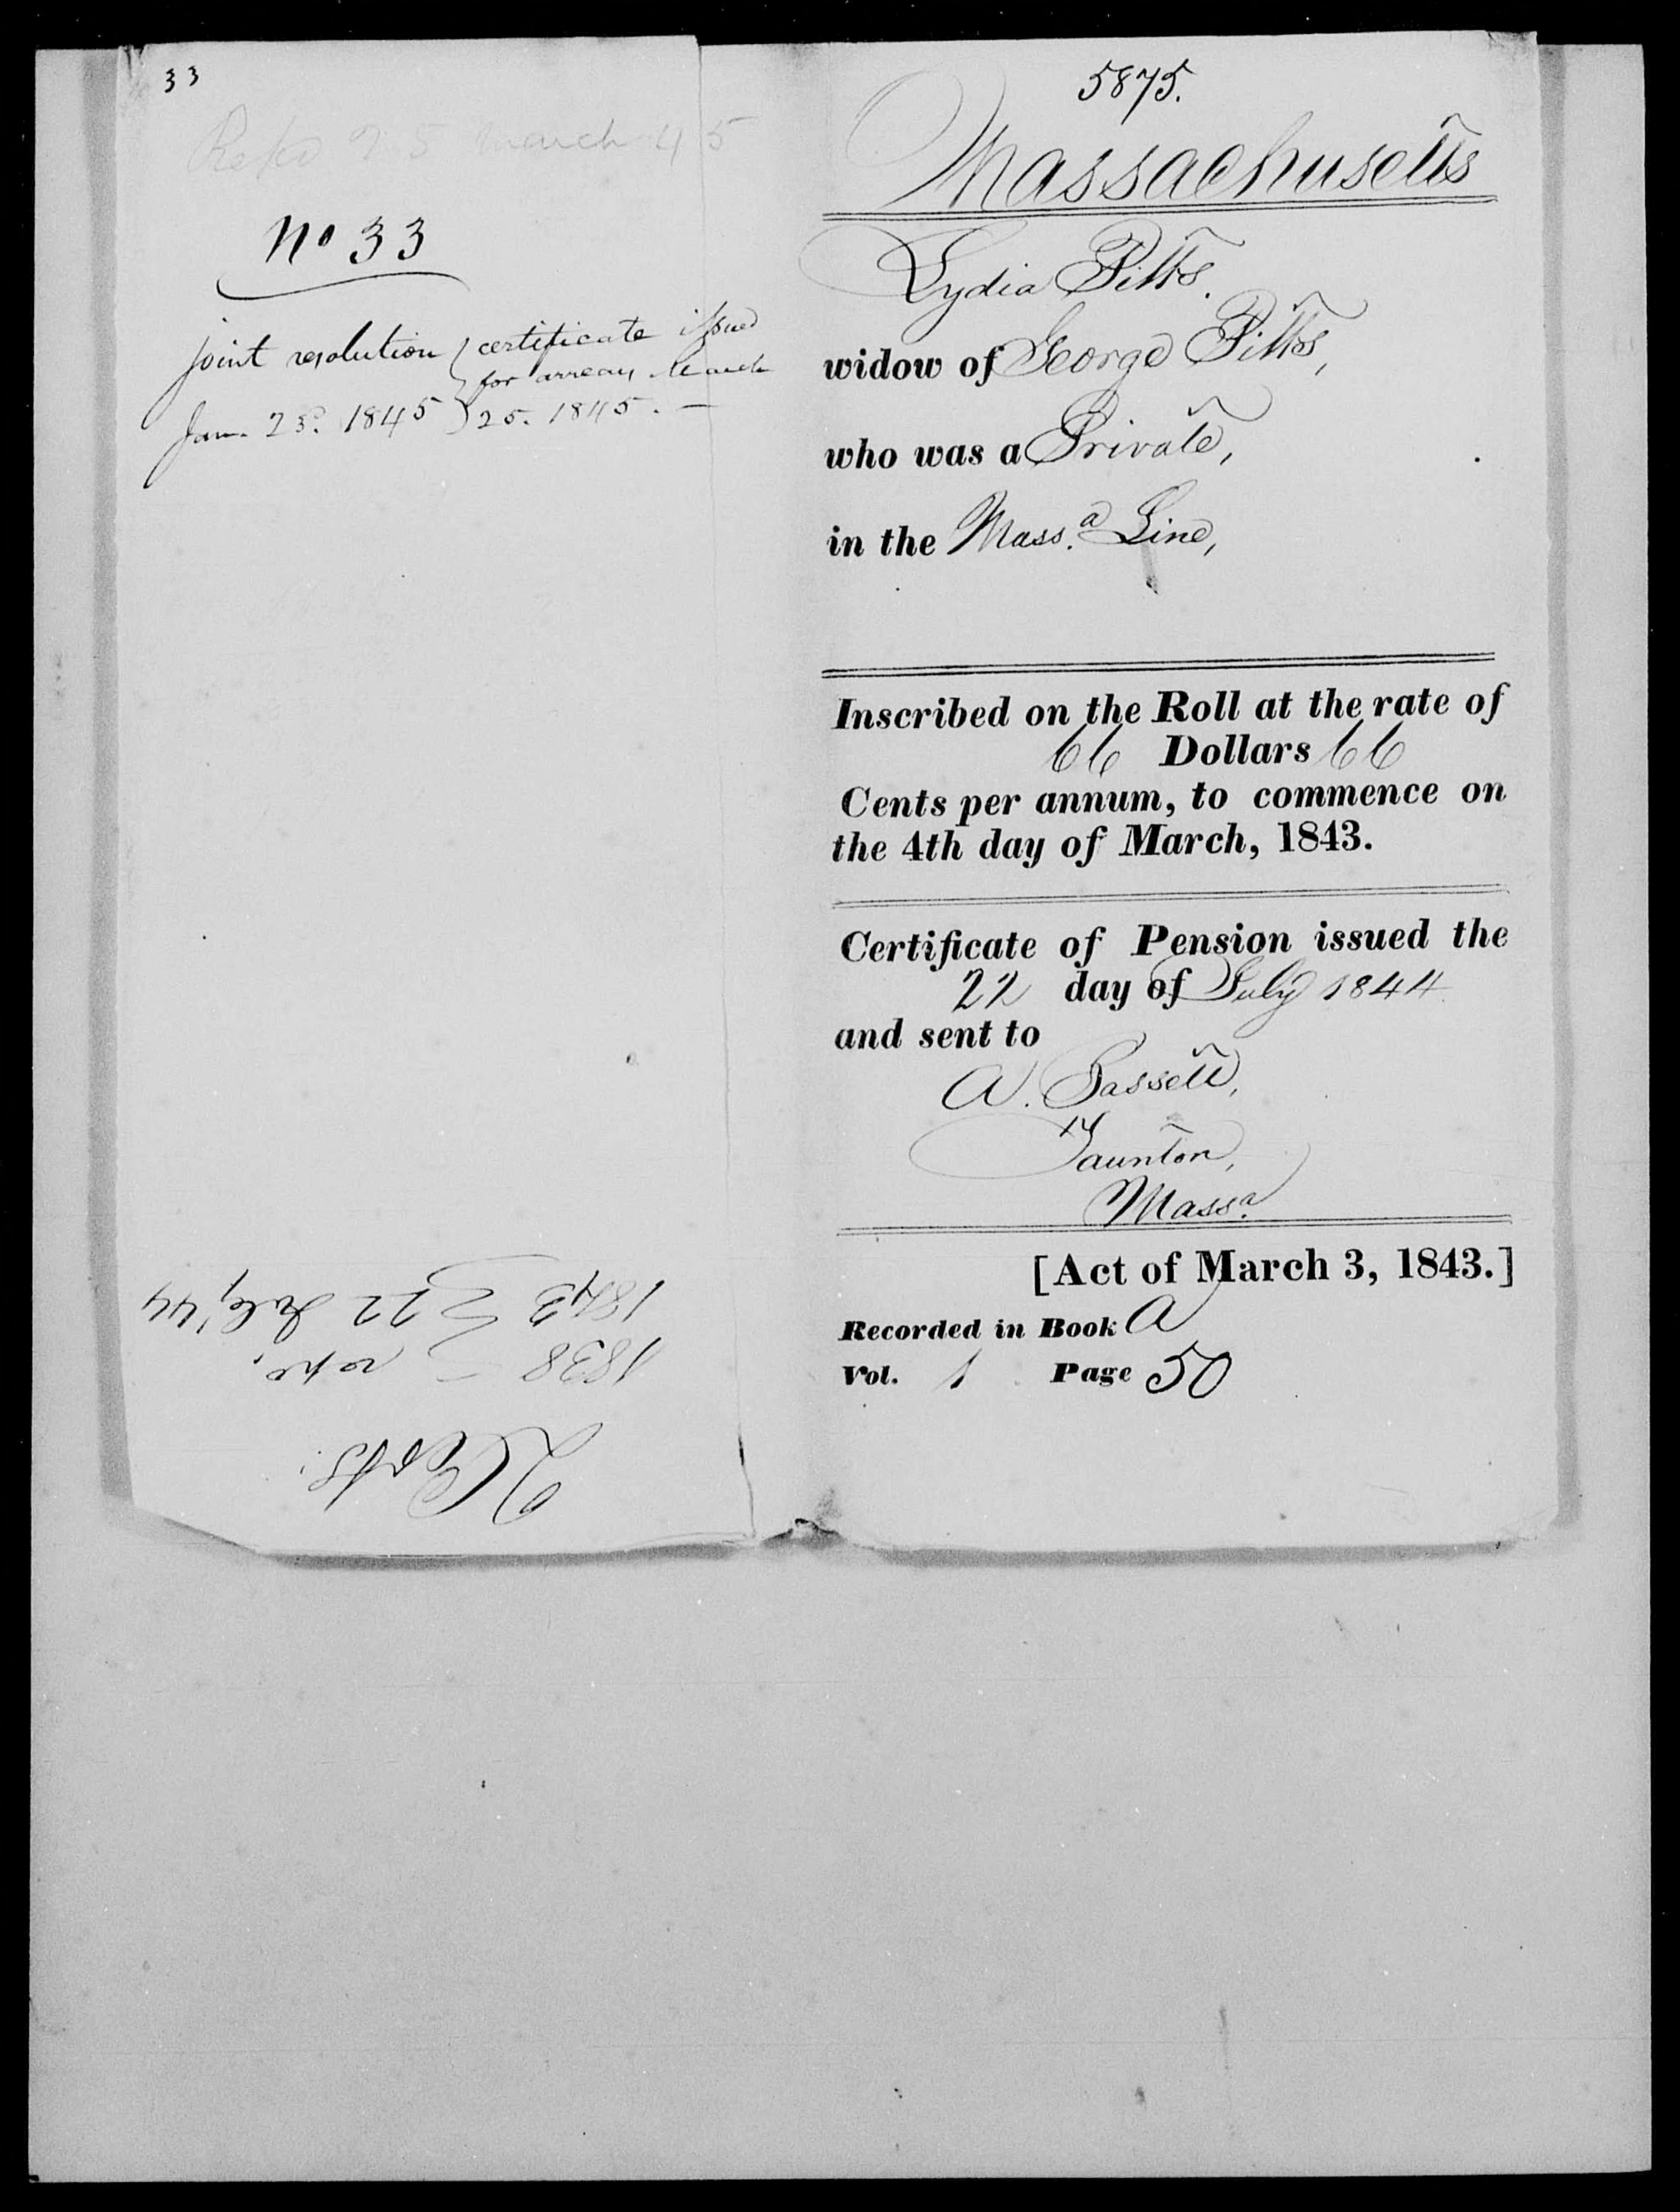[left side of page]
33
Ref 25 March 45
No. 33
joint resolution 
Jan 23, 1845
certificate issued 
for arrears. March 
25, 1845
2 Certs
1838
1843 22 July '44
[right side of page]
5875.
Massachusetts
Lydia Pitts
widow of George Pitts,
who was a Private, 
in the Mass A Line, 
Inscribed on the Roll at the rate of 
66 Dollars 66
Cents per annum, to commence on 
the 4th day of March, 1843.
Certificate of Pension issued the 
22 day of July 1844
and sent to 
A. Bassett
Taunton, 
Mass.
[Act of March 3, 1843.]
Recorded in Book A
Vol 1 Page 50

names: Lydia Pitts; George Pitts; A Bassett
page: 23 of 54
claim: widow's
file: W. 26,897, for George Pitts, Massachusetts